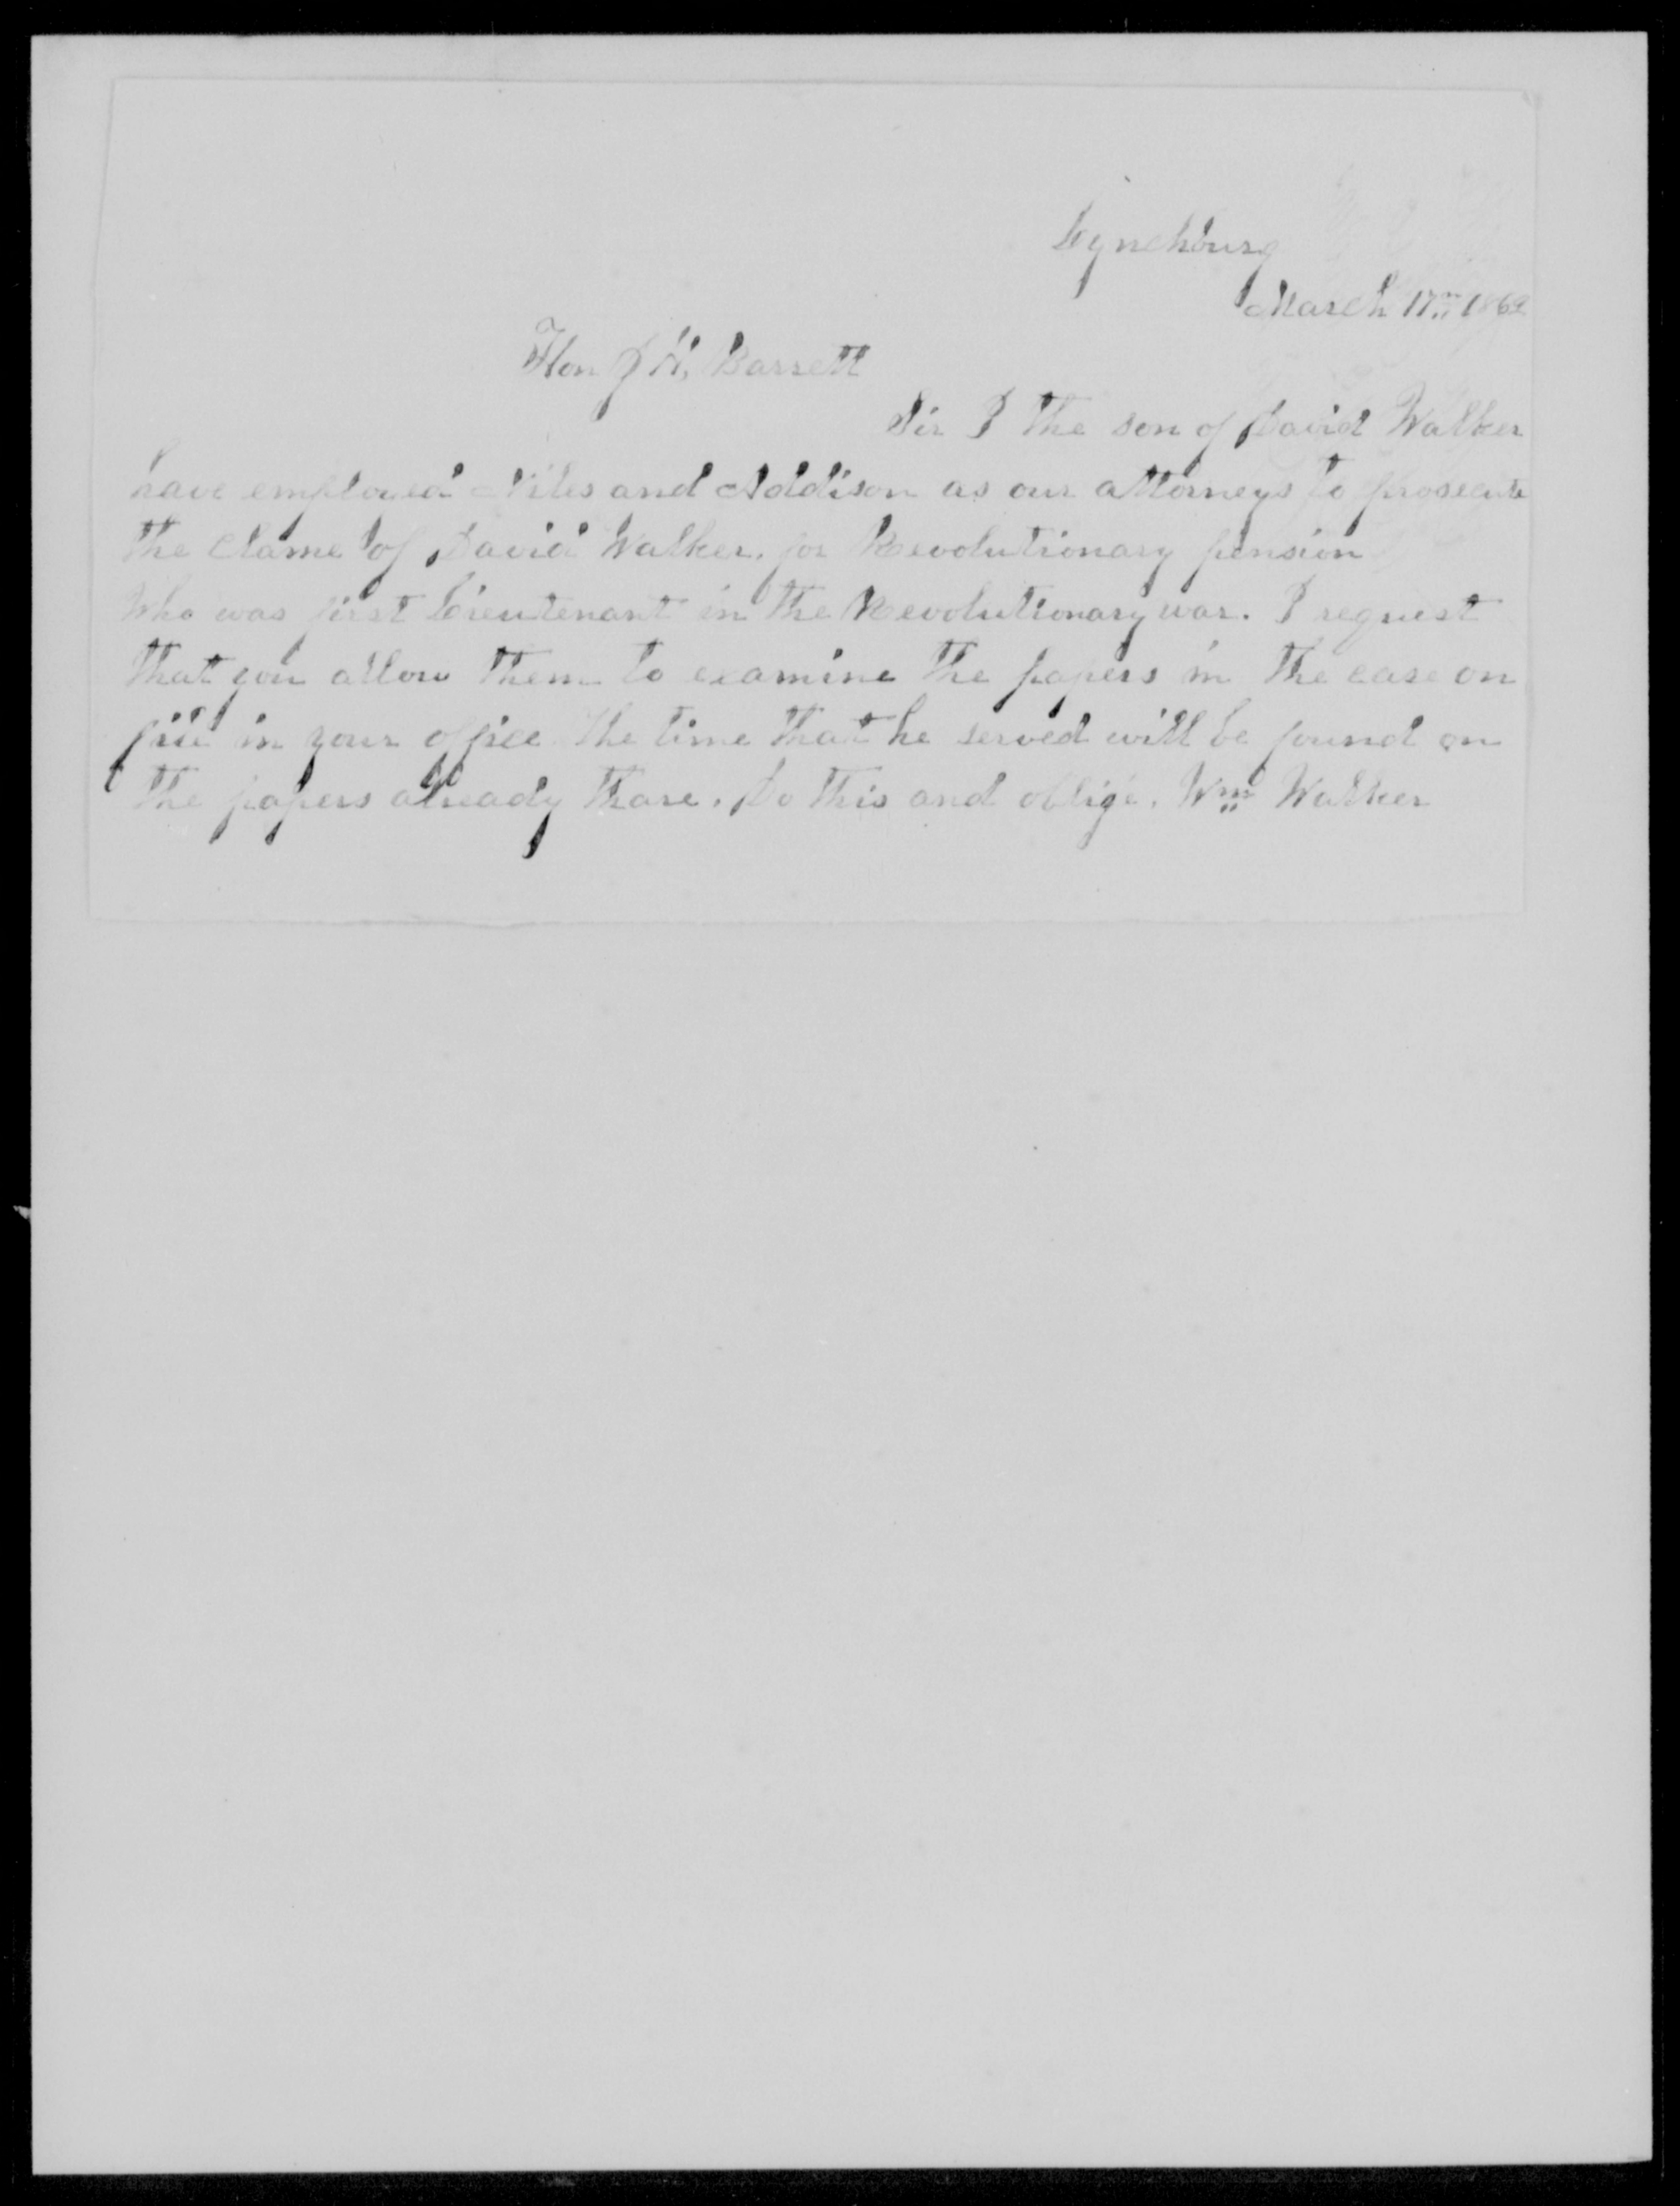Hon J. Barrett
Lynchburg
March 17th 1869
Sir, 
I, the son of David Walker, have employed Niles and Addison as our attorneys to prosecute the claim of David Walker, for Revolutionary pension who was first Lieutenant in the Revolutionary war. I request that you allow them to examine the papers in the case on file in your office the time that he served will be found on the papers already there. 
Do this and oblige.
William Walker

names: Wm Walker, David Walker, Addison, David Walker, J H Barrett, David Niles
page: 24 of 37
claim: rejected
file: R. 11047, David Walker, N.C.